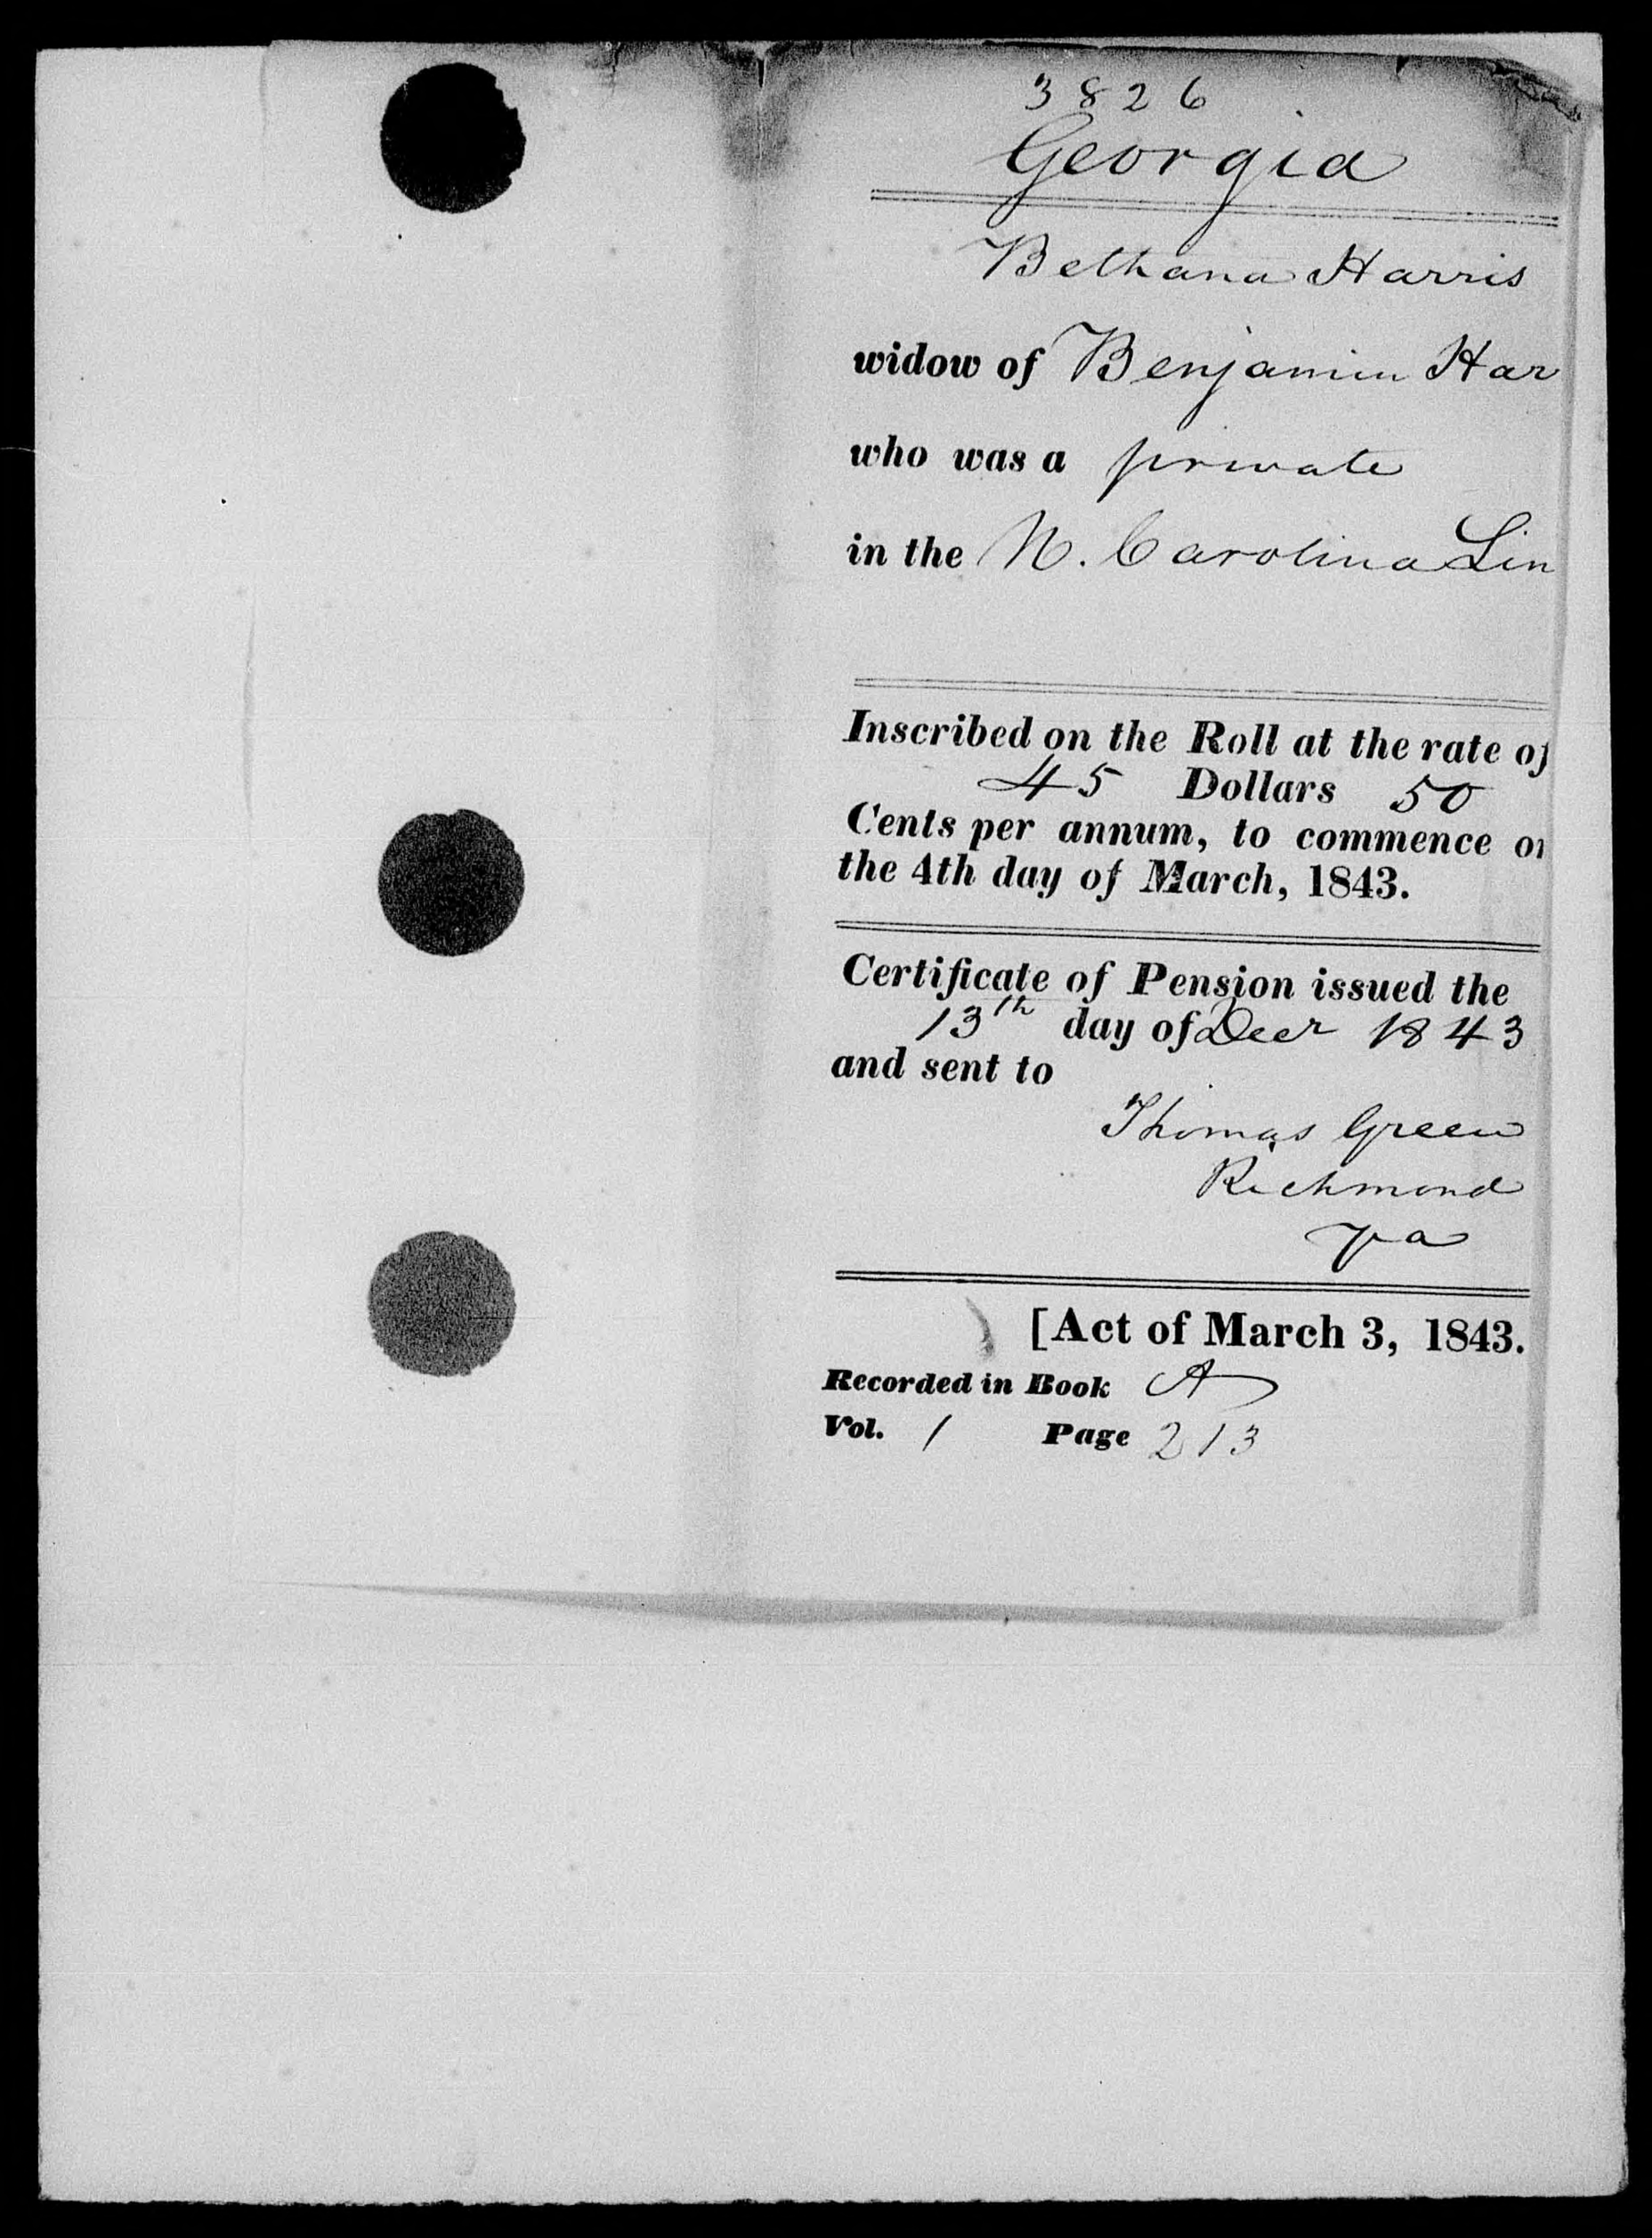3826 
Georgia 
Bethana Harris widow of Benjamin Hart who was a private in the N. Carolina line

Inscribed on the Roll at the rate of 45 Dollars 50 Cents per annum, to commence the 4th day of March, 1843. 

Certificate of Pension issued the 13th day of Decr 1843 and sent to Thomas Green Richmond Va 

(Act of March 3, 1843. )
Recorded in Book A Vol. 1 Page 213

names: Bethana Harris, Thomas Green, Benjamin Har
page: 27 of 62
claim: survivor's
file: S. 38816, Benjamin Harris, Mass.